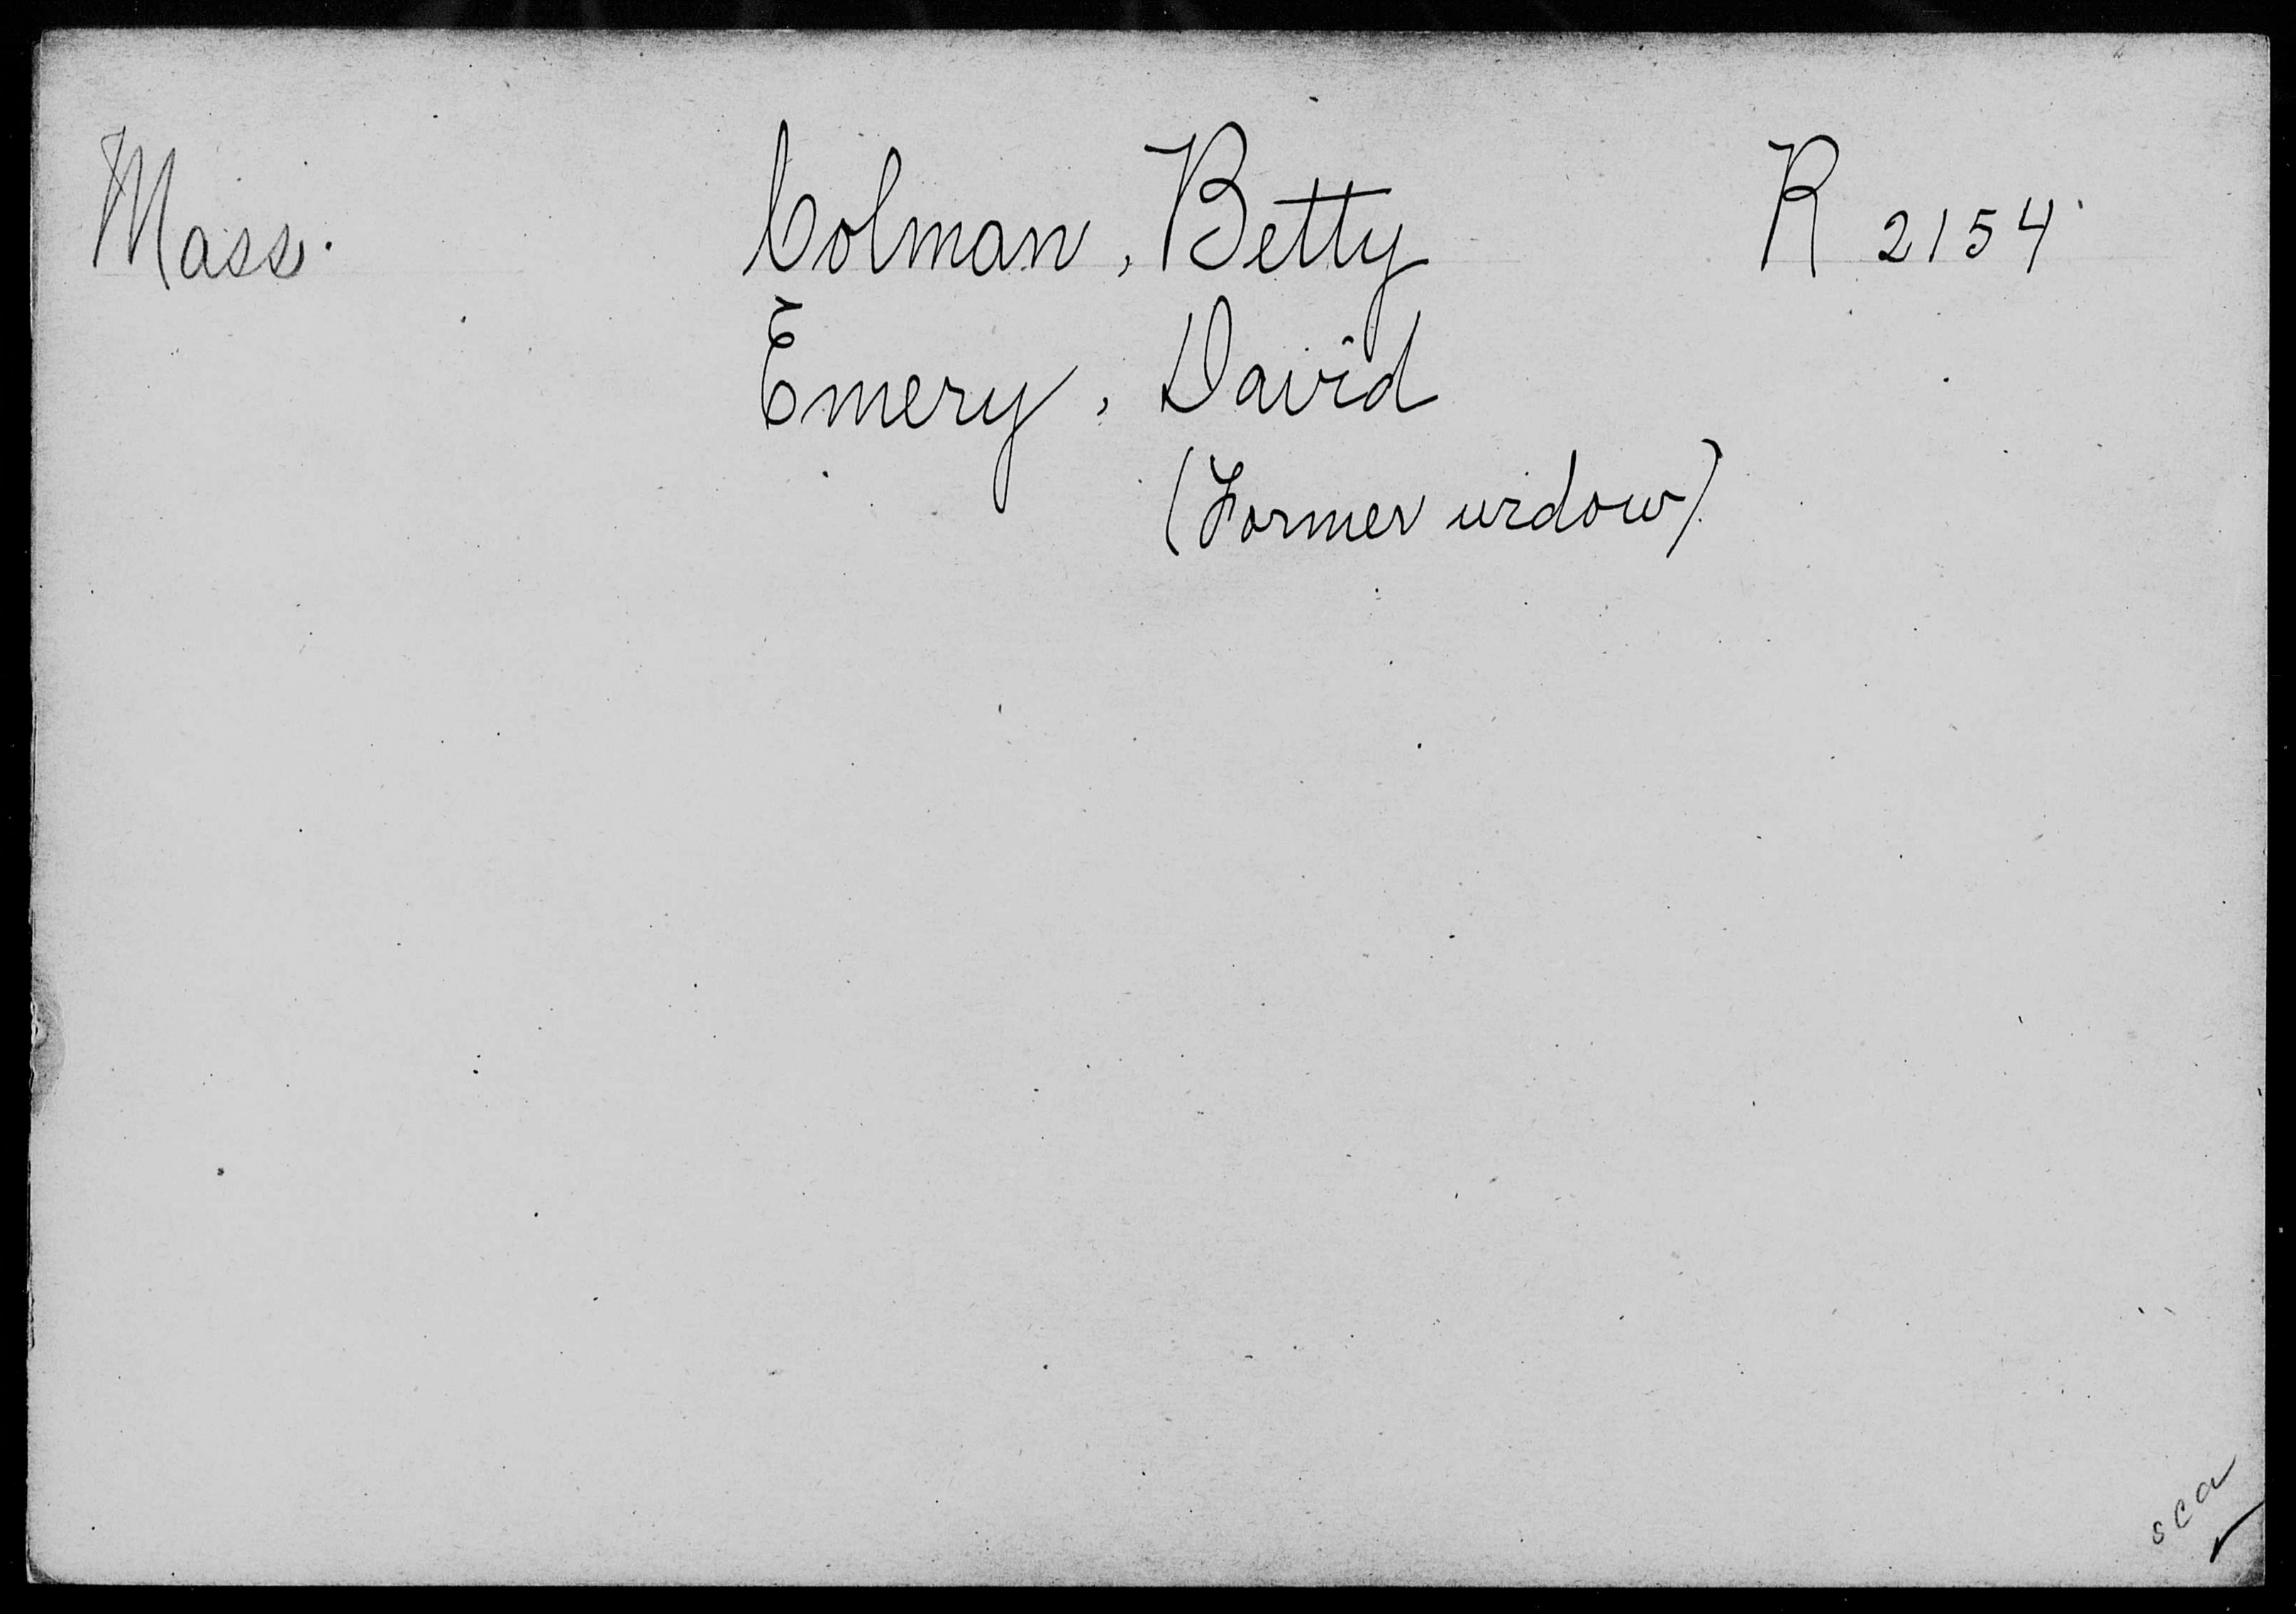Mass 2 Colman, Betty ⎬ Emery David (Former widow) R 2154 1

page: 1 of 1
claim: rejected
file: R 2154, Betty Colman, Mass.